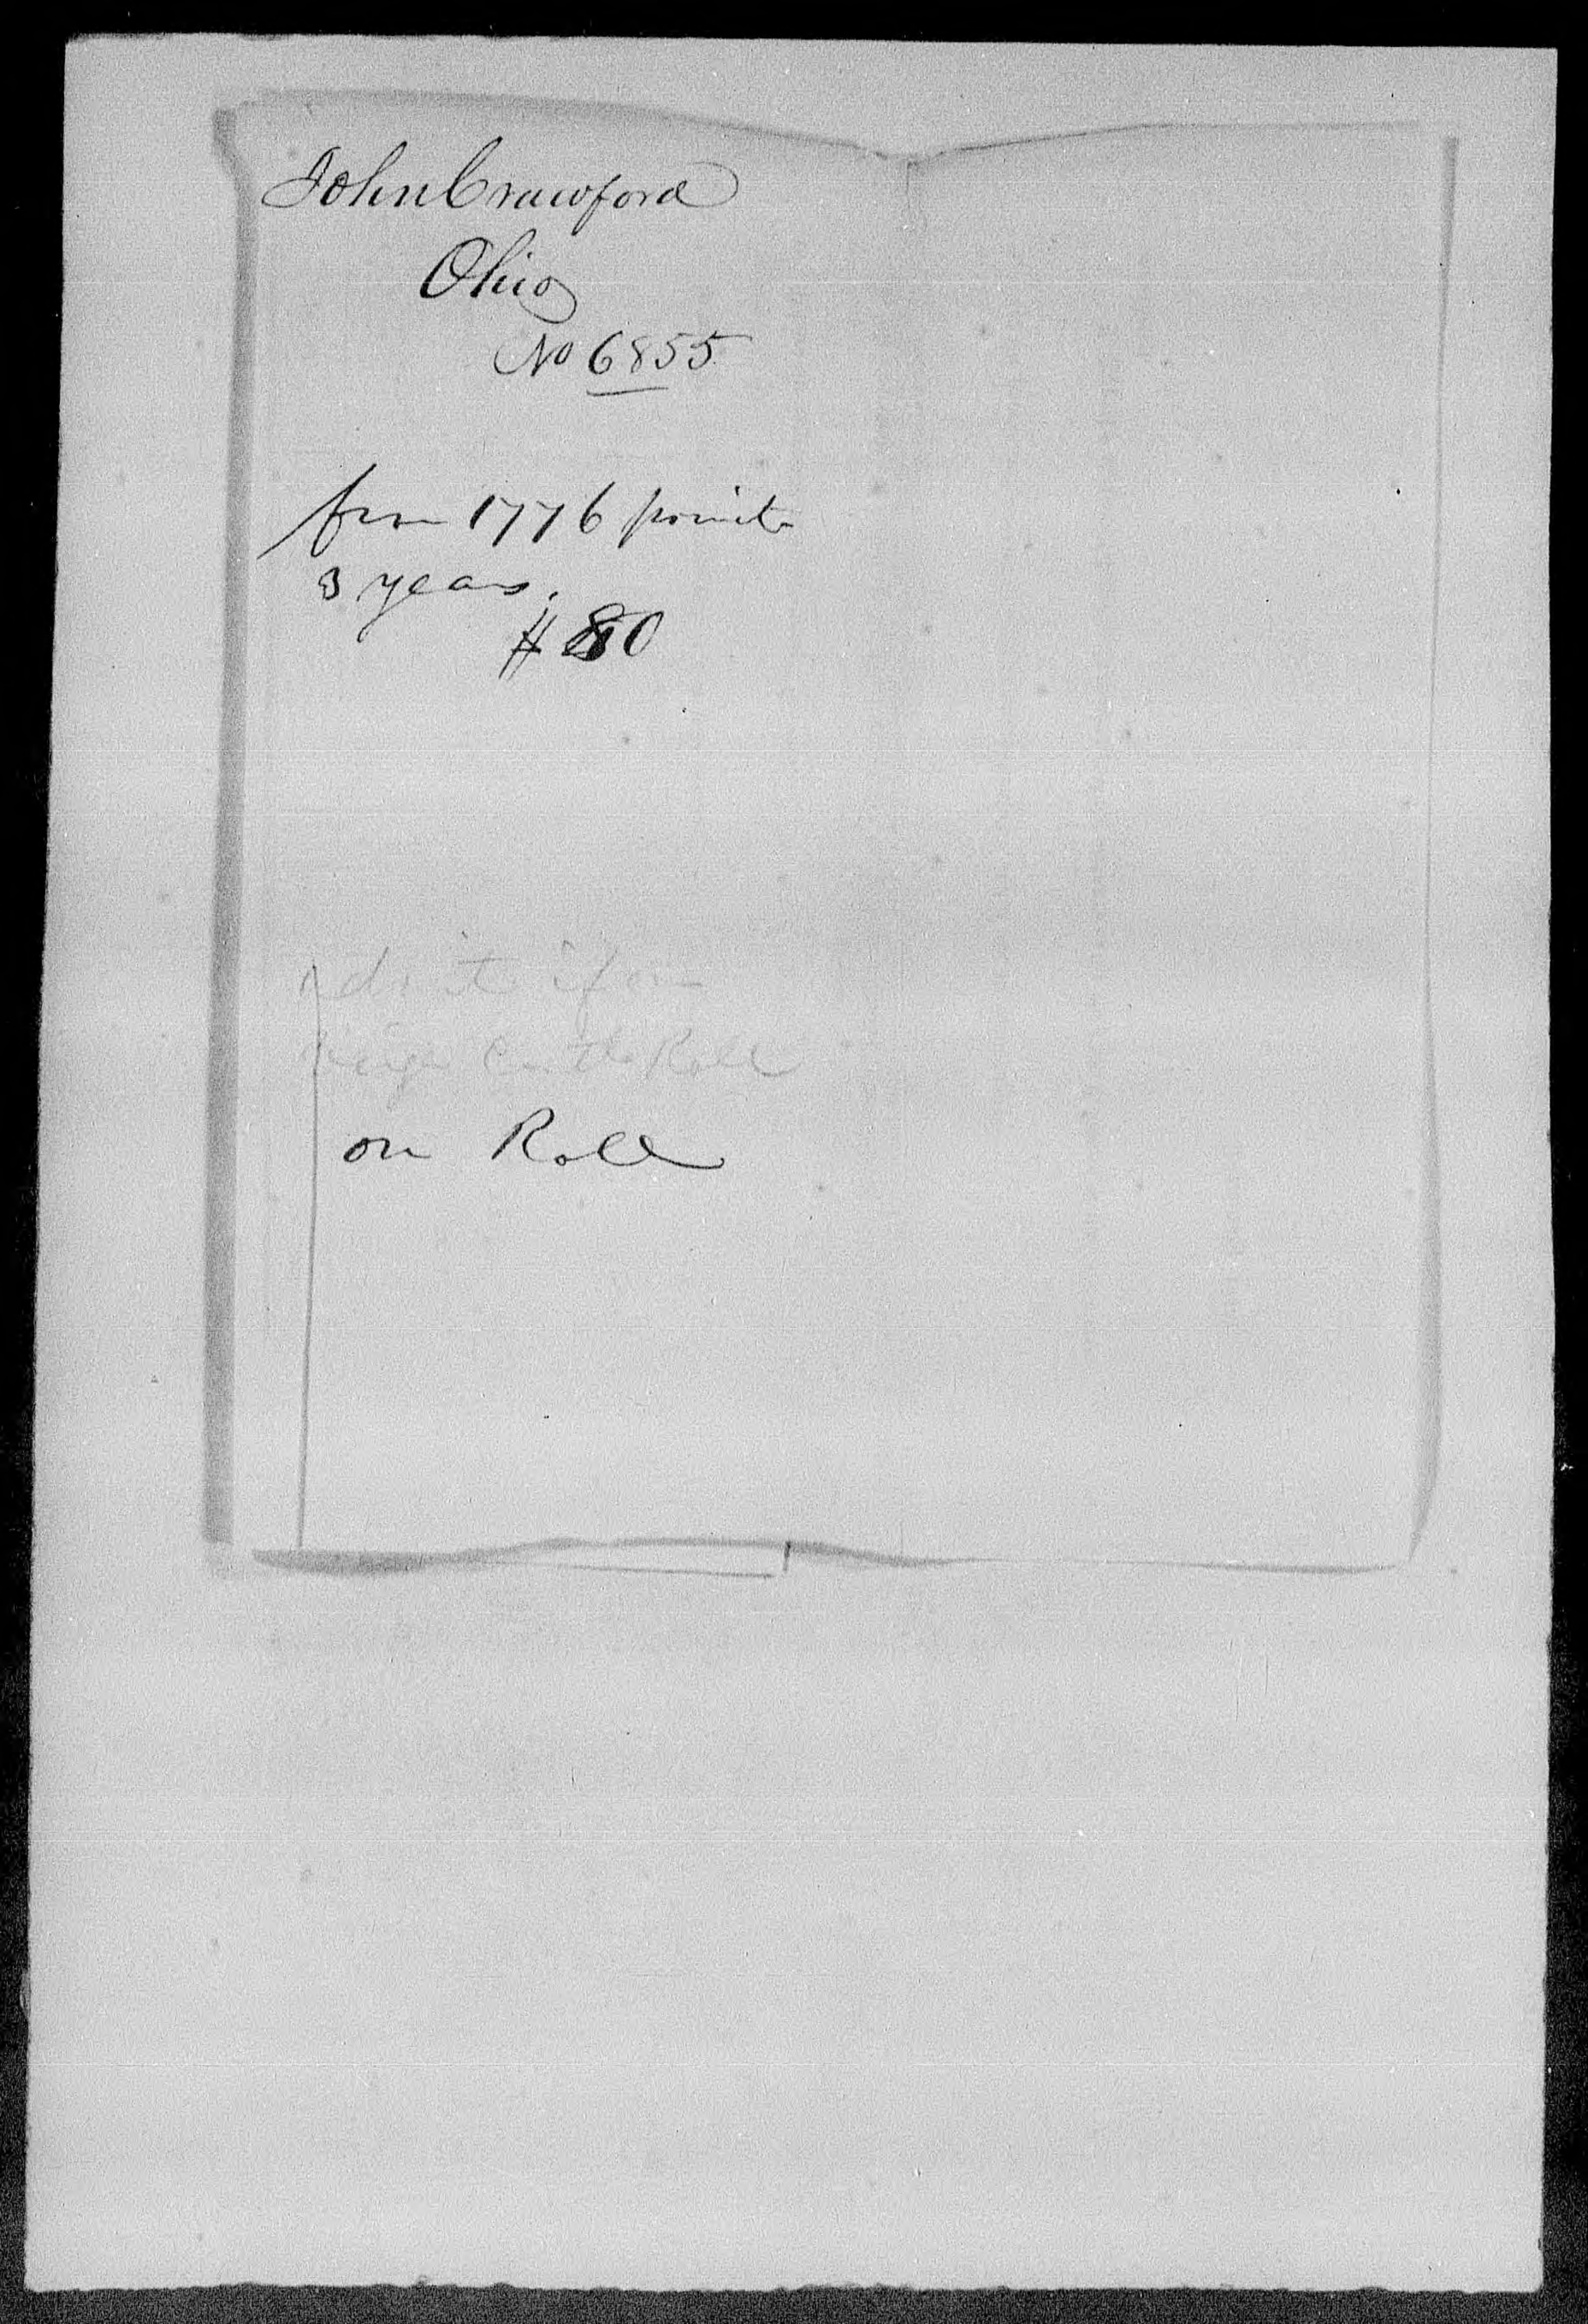John Crawford
Ohio
No 6855
from 1776 private 3 years
$80

Admit if on verge [illegible] Roll
on Roll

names: John Crawford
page: 5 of 80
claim: widow's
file: W 2070, John Crawford, Penn.